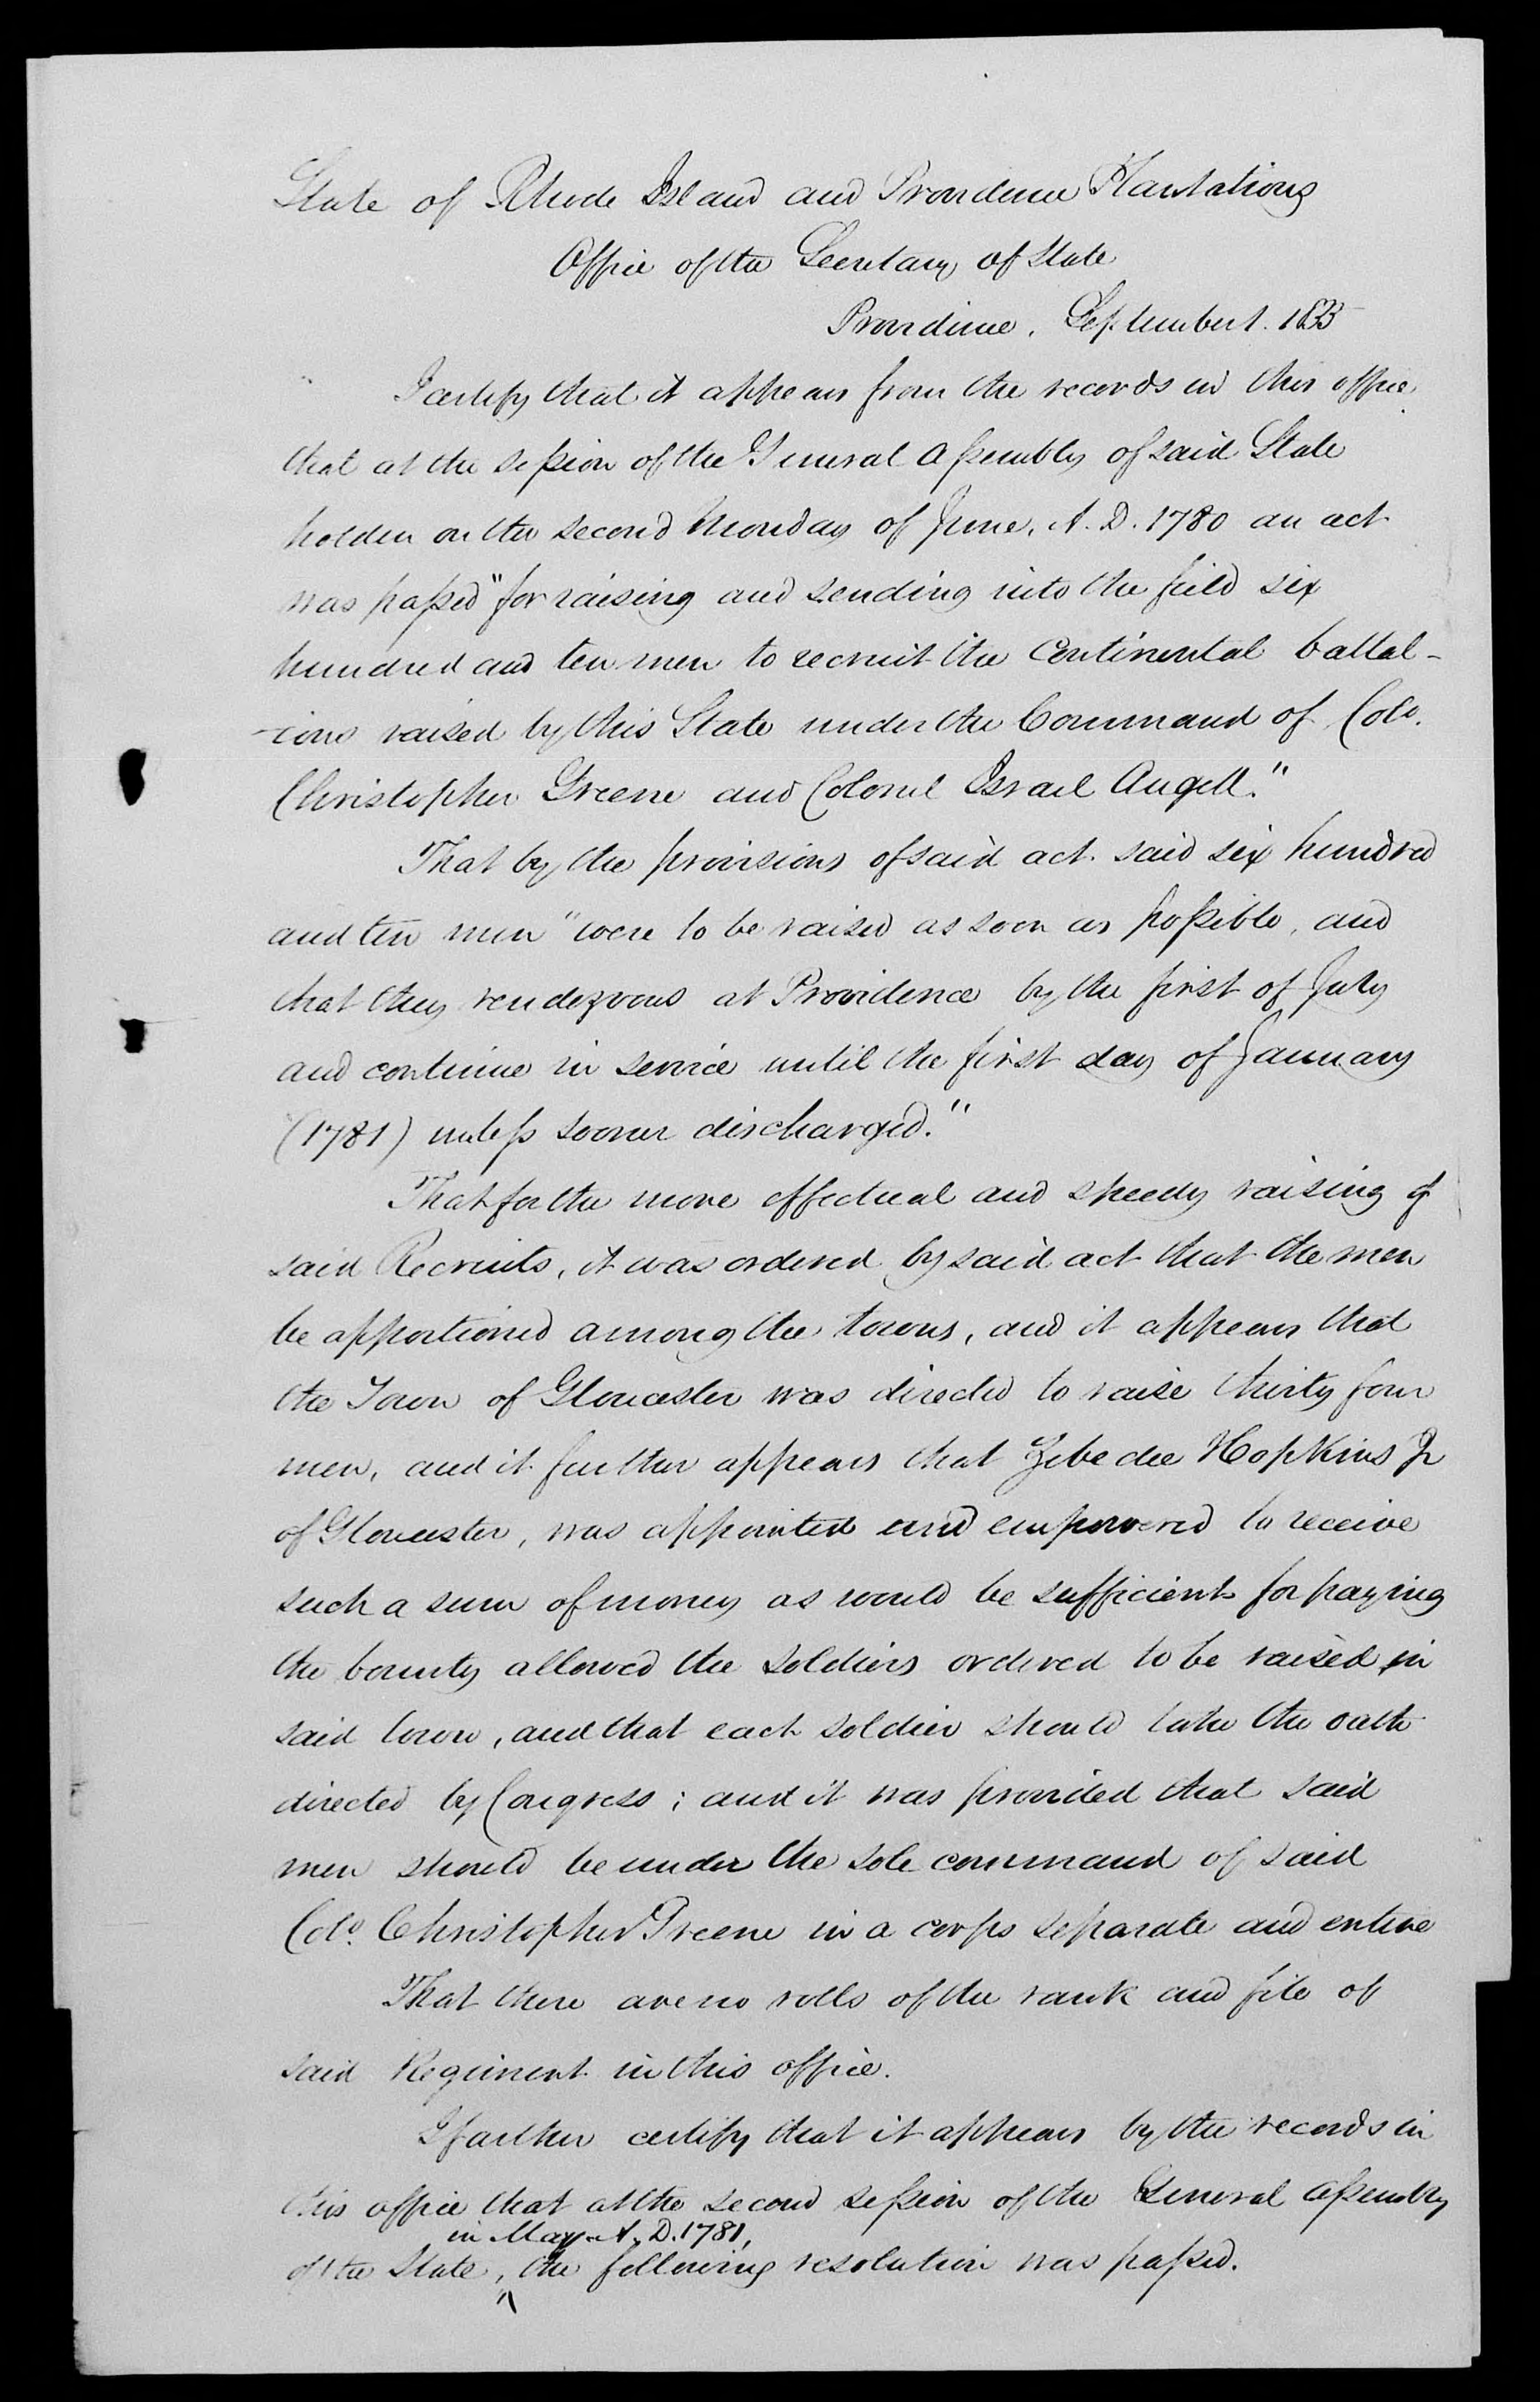State of Rhode Island and Providence Plantations Office of the Secretary of State Providence, September 1 1855
I certify that it appears from the records in this office that at the session of the General Assembly of said State holden on the second Monday of June, A.D. 1780 an act was passed "for raising and sending into the field six hundred and ten men to recruit the Continental battalions raised by this State under the Command of Colo. Christopher Greene and Colonel Israel Angell." That by the provisions of said act said six hundred and ten men "were to be raised as soon as possible and that they rendezvous at Providence by the first of July and continue in service until the first day of January (1781) unless sooner discharged." 
That for the more effectual and speedy raising of said Recruits, it was ordered by said act that the men be apportioned among the towns, and it appears that the Town of Glocester was directed to raise thirty four men, and it further appears that Zebedee Hopkins Jr. of Gloucester, was appointed and empowered to receive such a sum of money as would be sufficient for paying the bounty allowed the soldiers ordered to be raised in said town, and that each soldier should take the oath directed by Congress; and it was provided that said men should be under the sole command of said Colo. Christopher Greene in a corps separate and entire. That there were rolls of the rank and file of said Regiment in this office. I further certify that it appears by the records in this office that at the second session of the General Assembly of the State in May AD 1781, the following resolution was passed.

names: Christopher Greene, Christopher Greene, Zebedee Hopkins, Israel Angell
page: 50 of 76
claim: widow's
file: W. 15,517, William Gadcomb, R.I.